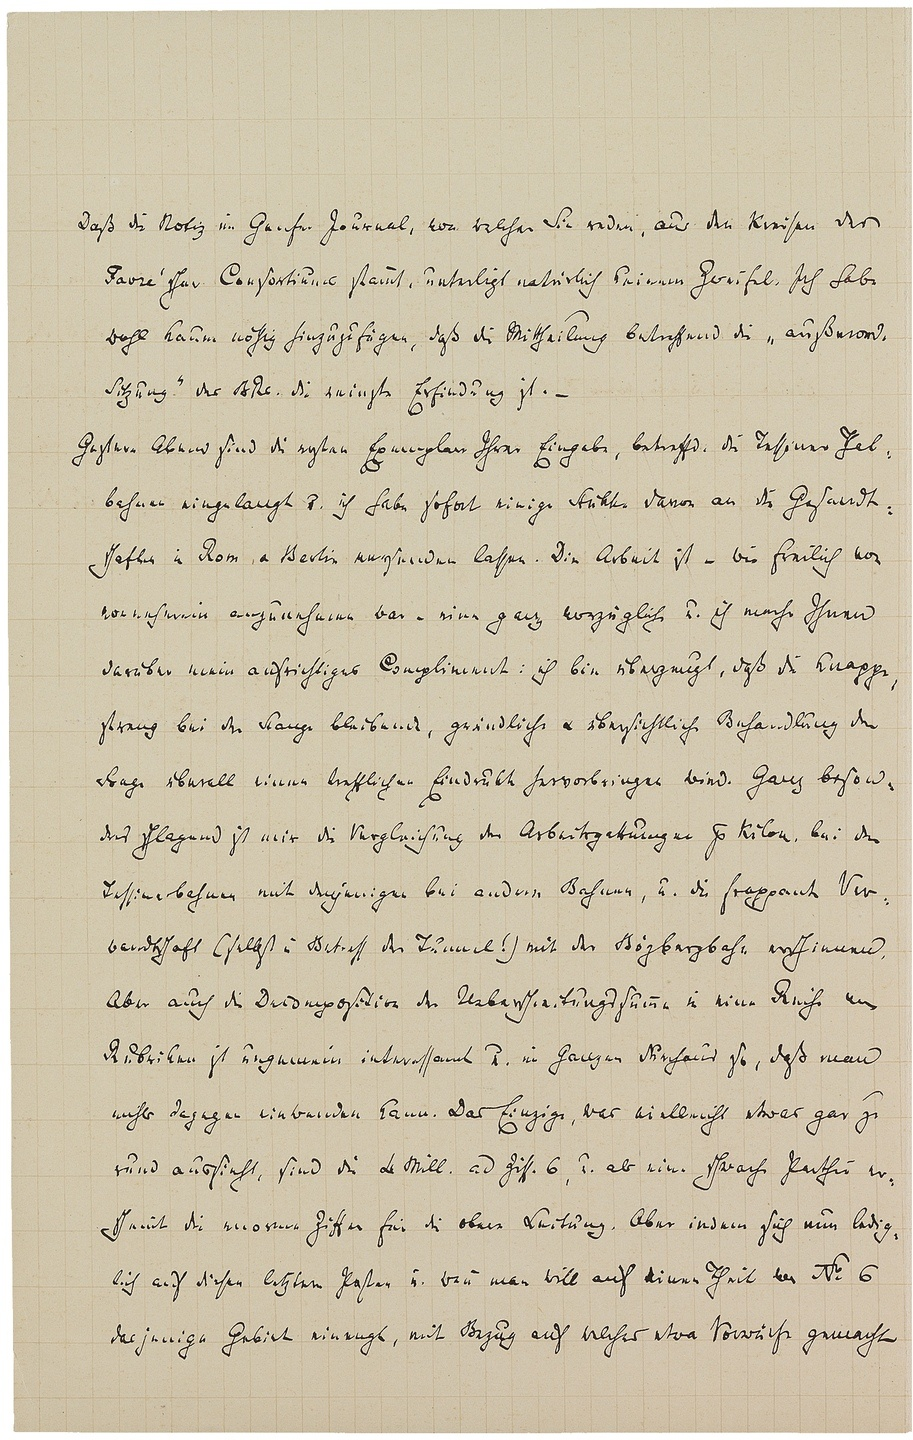Daß die Notiz
im Genfer Journal, von welcher Sie reden, aus den Kreisen des
Favre'schen Consortiums stammt, unterliegt natürlich keinem Zweifel. Ich habe
wohl kaum nöthig hinzuzufügen, daß die Mittheilung betreffend die «außerord.
Sitzung» des BRs. die reinste Erfindung ist. –
Gestern Abend sind die ersten Exemplare Ihrer Eingabe, betreffd. die Tessiner Thal-
bahnen eingelangt u. ich habe sofort einige Stükke davon an die Gesandt-
schaften in Rom u. Berlin versenden lassen. Die Arbeit ist – wie freilich von
vorneherein anzunehmen war – eine ganz vorzügliche u. ich mache Ihnen
darüber mein aufrichtiges Compliment: ich bin überzeugt, daß die knappe,
streng bei der Stange bleibende, gründliche & übersichtliche Behandlung der
Frage überall einen trefflichen Eindrukk hervorbringen wird. Ganz beson-
ders schlagend ist mir die Vergleichung der Arbeitsgattungen je Kilom. bei den
Tessinerbahnen mit denjenigen bei andern Bahnen, u. die frappante Ver-
wandtschaft (selbst in Betreff der Tunnel!) mit der Bözbergbahn erschienen.
Aber auch die Decomposition der Ueberschreitungssumme in eine Reihe von
Rubriken ist ungemein interessant u. im Ganzen durchaus so, daß man
nichts dagegen einwenden kann. Das Einzige, was vielleicht etwas gar zu
rund aussieht, sind die 4 Mill. ad Ziff. 6, u. als eine schwache Parthie er-
scheint die enorme Ziffer für die obere Leitung. Aber indem sich nun ledig-
lich auf diesen letzten Posten u. wenn man will auf einen Theil von No 6
dasjenige Gebiet einengt, mit Bezug auf welches etwa Vorwürfe gemacht